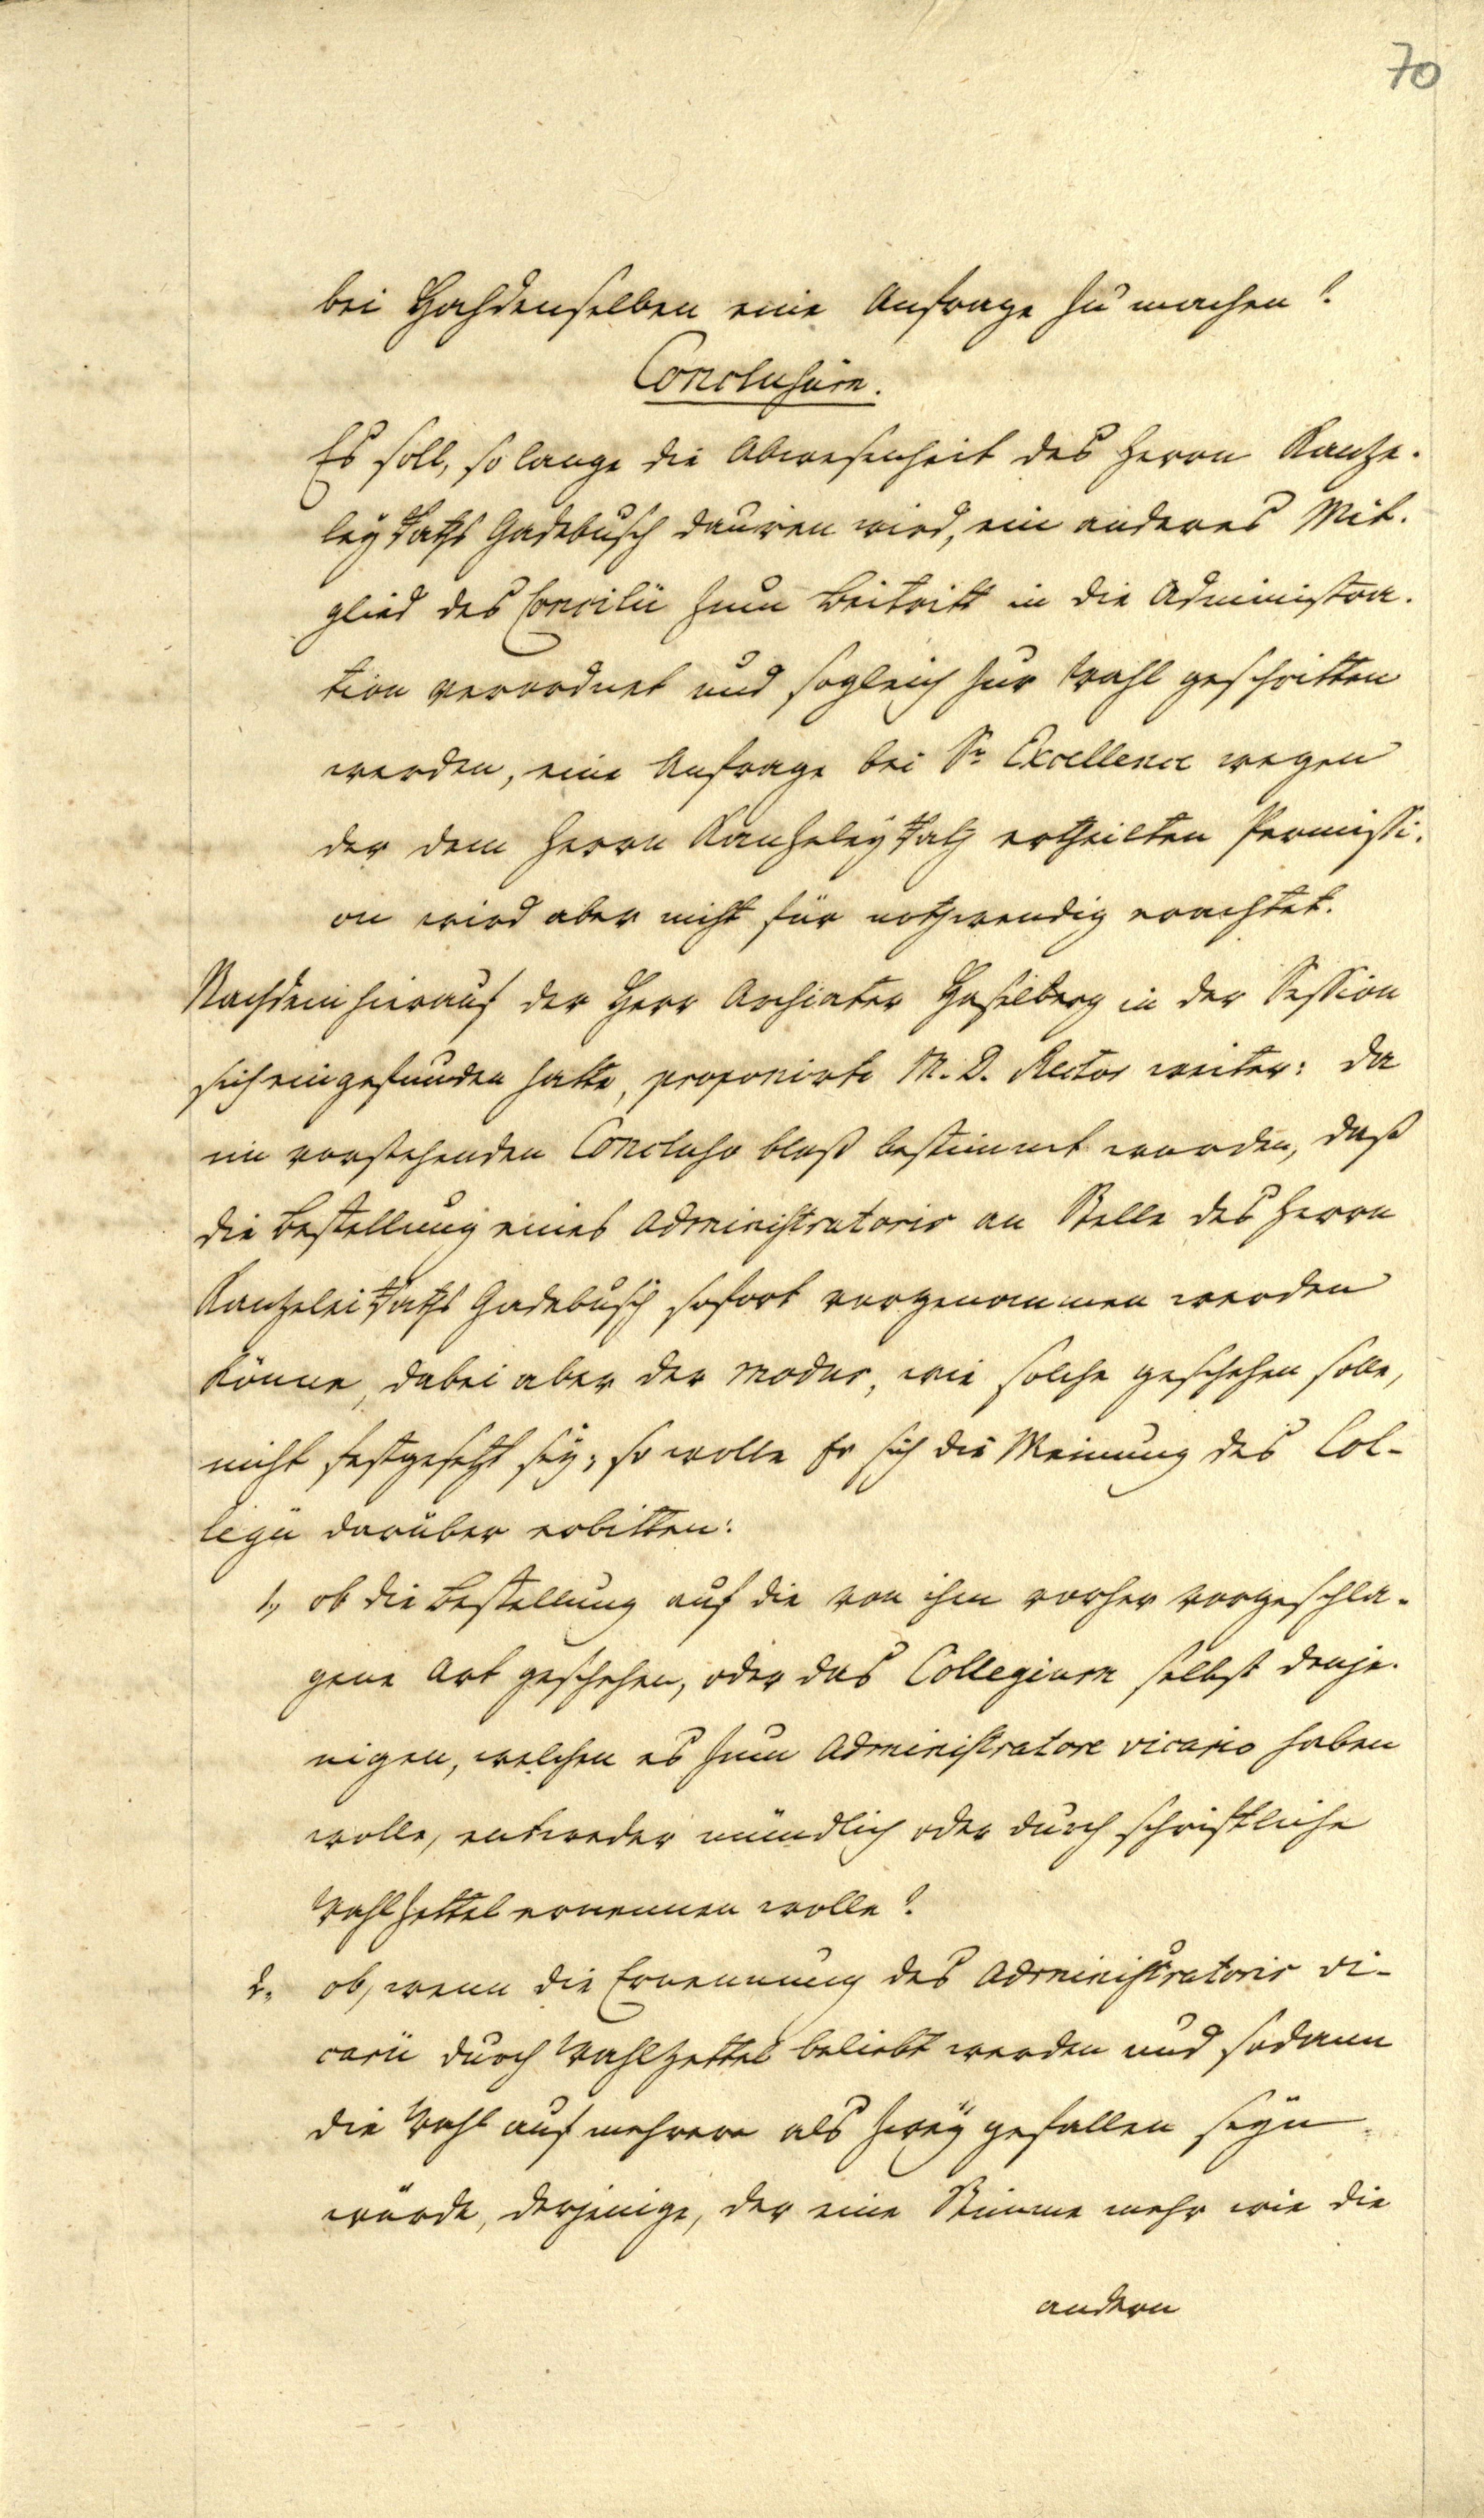bei Hochdenselben eine Anfrage zu machen?
Conclusum.
Es soll, so lange die Abwesenheit des Herrn Kanze¬
leÿ Raths Gadebusch dauren wird, ein anderes Mit¬
glied des Concilii zum Beitritt in die Administra¬
tion verordnet und sogleich zur Wahl geschritten
werden, eine Anfrage bei Sr Excellence wegen
der dem Herrn Kanzeleÿ Rath ertheilten Permissi¬
on wird aber nicht für nothwendig erachtet.
Nachdem hierauf der Herr Archiater Haselberg in der Session
sich eingefunden hatte, proponirte M. D. Rector weiter: da
im vorstehenden Concluso bloß bestimmt worden, daß
die Bestellung eines Administratoris an Stelle des Herrn
Kanzelei Raths Gadebusch sofort vorgenommen werden
könne, dabei aber der modus, wie solche geschehen solle,
nicht festgesetzt seÿ, so wolle Er sich die Meinung des Col¬
legii darüber erbitten.
1., ob die Bestellung auf die von ihm vorher vorgeschla¬
gene Art geschehen, oder das Collegium selbst denje¬
nigen, welchen es zum Administratore vicario haben
wolle, entweder mündlich oder durch schriftliche
Wahlzettel ernennen wolle?
2. ob, wenn die Ernennung des Adeministratoris vi¬
carii durch Wahlzettet beliebt werden und sodann
die Wahl auf mehrere als zweÿ gefallen seÿn
würde, derjenige, der eine Stimme mehr wie die
andern